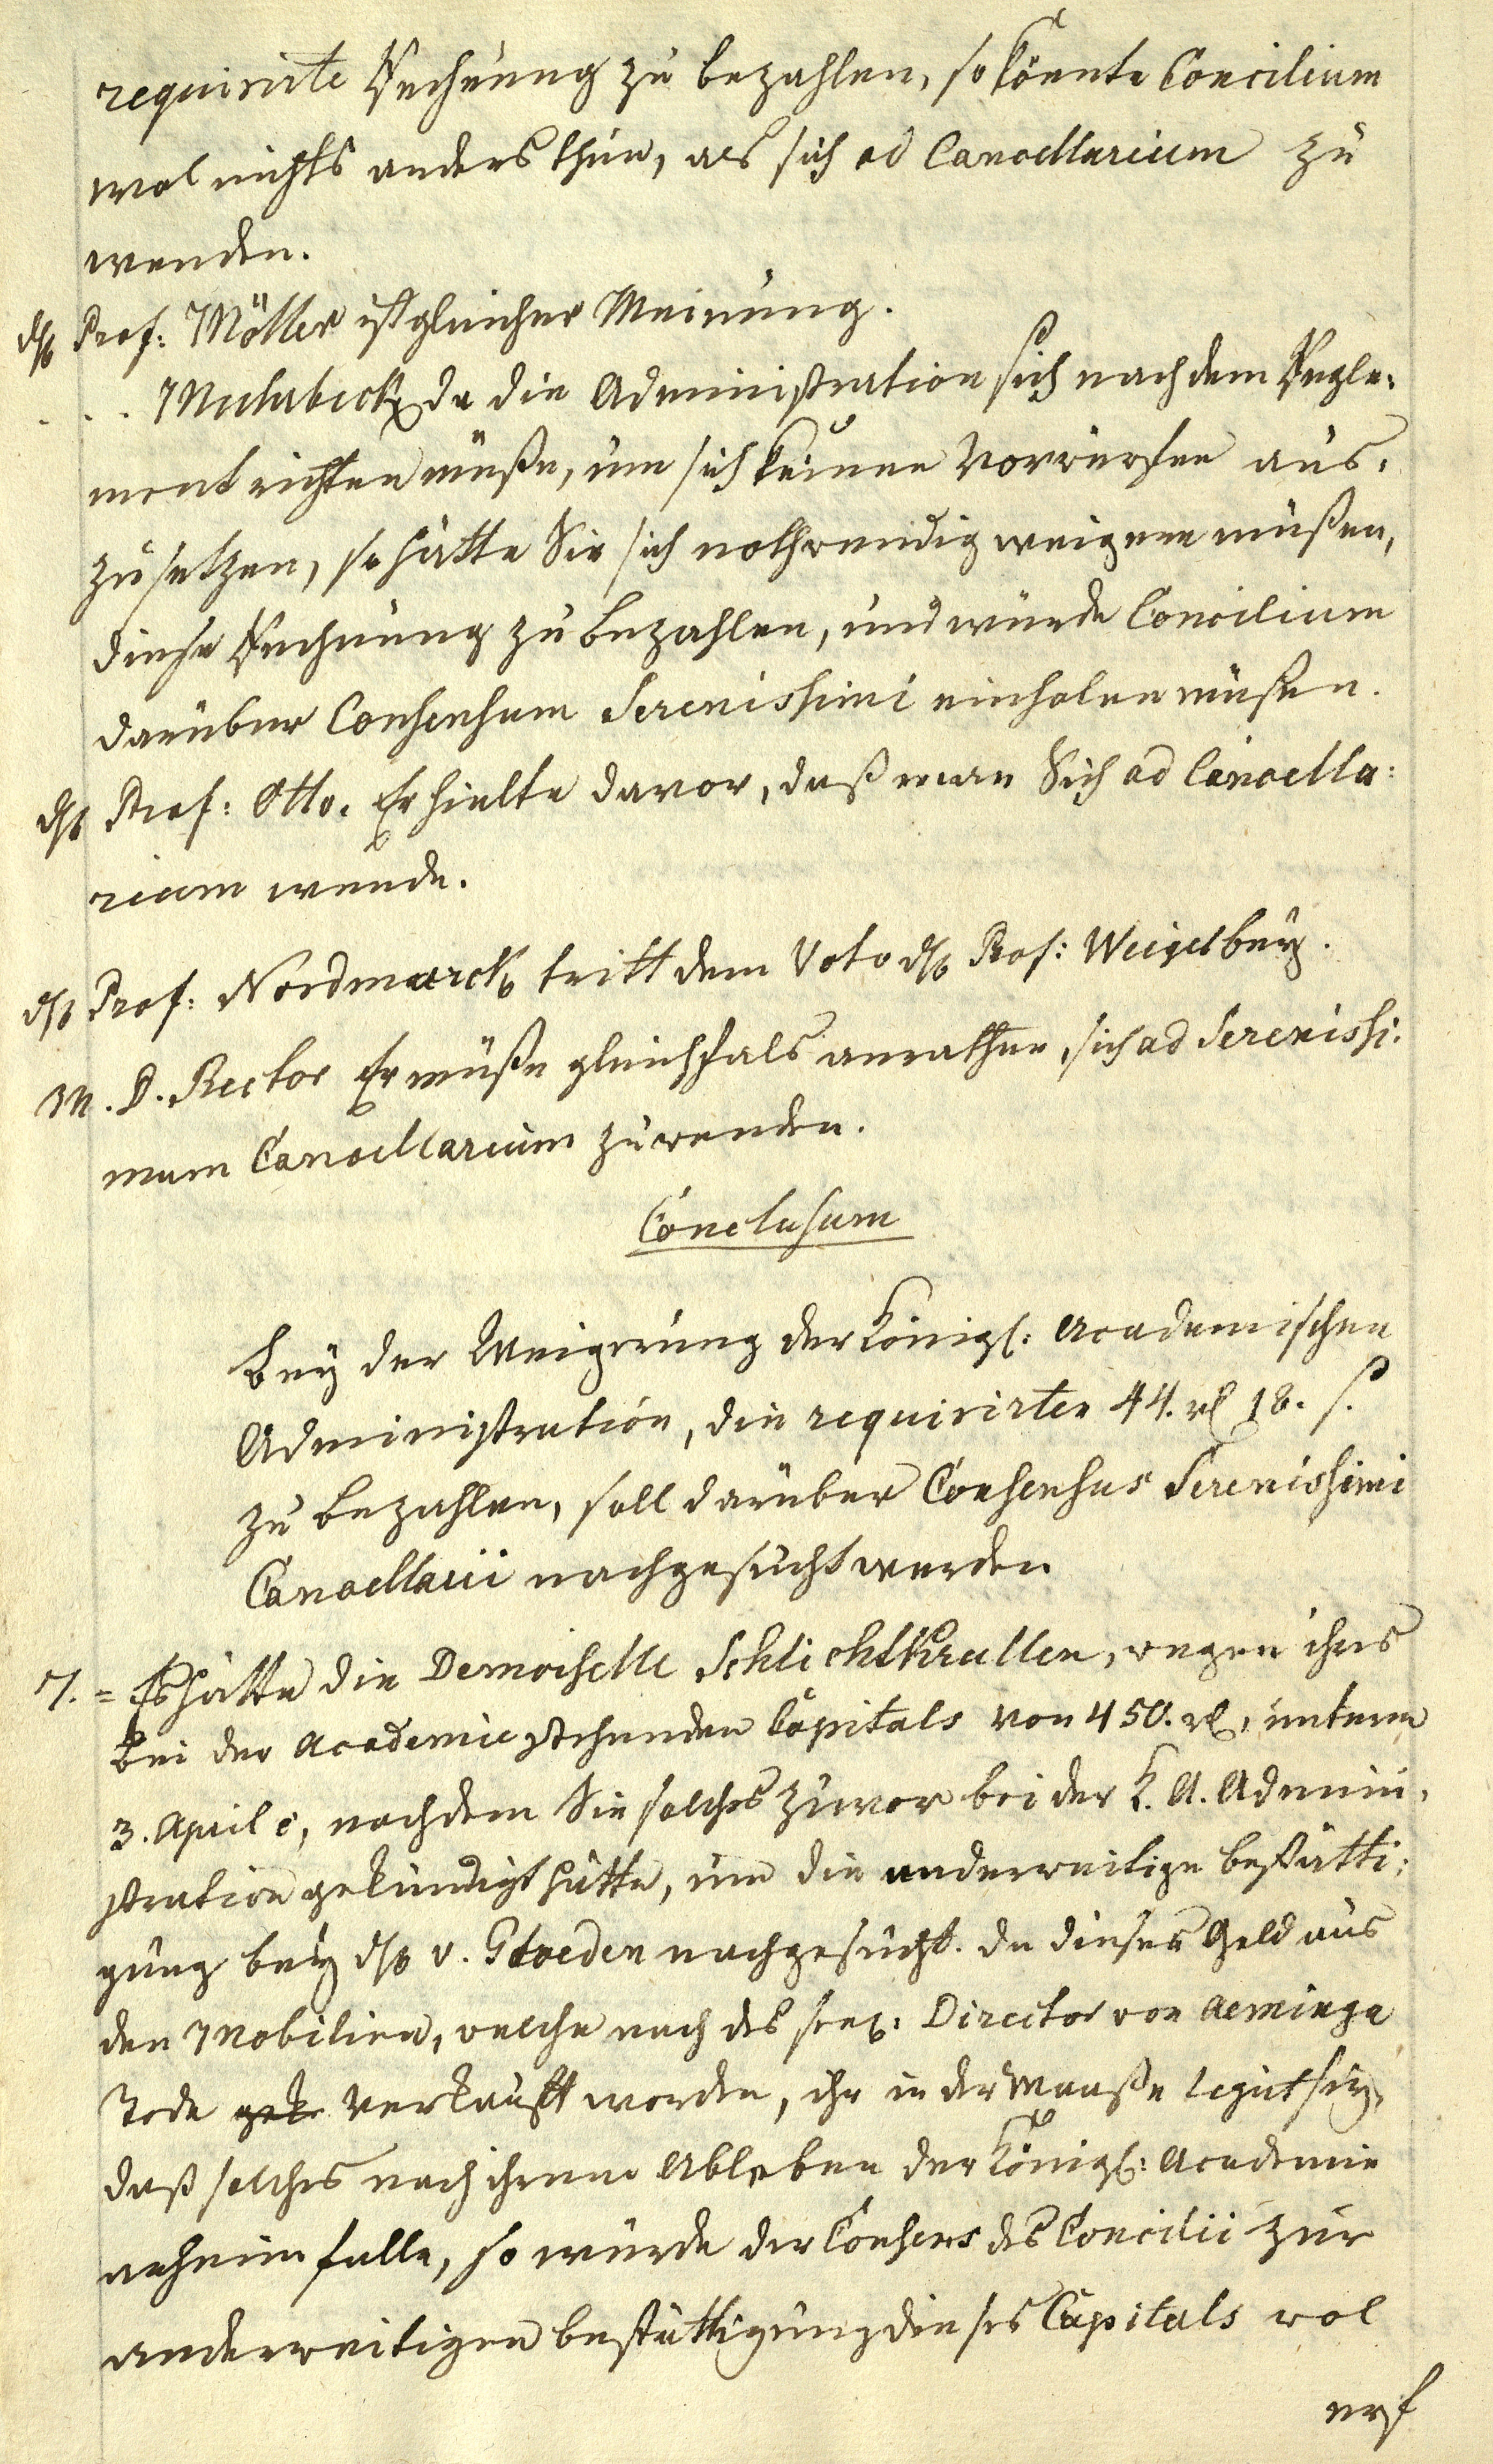requirirte Rechnung zu bezahlen, so könnte Concilium
wol nichts anders thun, als sich ad Cancellarium zu
wenden.
dh Prof. Möller ist gleicher Meinung.
Muhrbeck da die Administration sich nach dem Regle¬
ment richten müße, um sich keinen Vorwürfen aus¬
zu setzen, so hätte Sie sich nothwendig weigern müßen,
diese Rechnung zu bezahlen, und würde Concilium
darüber Consensum Serenissimi einholen müßen.
dh Prof. Otto. Er hielte davor, daß man sich ad Cancella¬
meum wenden.
dh Prof. Nordmarck. tritt dem Voto dh Prof. Weigel beÿ.
M. D. Rector Er müßte gleichfals anrathen sich ad Sereniss¬
mum Cancellarium zuwenden.
Conclusum
Beÿ der Weigerung der Königl. Academischen
Administration, die requirirten 44. r.18. s.
zu bezahlen, soll darüber Consensus Serenissimi
Cancellarii nachgesucht werden.
7. Es hätte die Demoiselle Schlichtkrullen, wegen ihres
bei der Academie stehenden Capitals von 450. r, unterm
3. April c, nachdem Sie solches zuvor bei der K. M. Admini¬
stration gekündigt hätte, und die anderweitige Bestätti¬
gung beÿ dh v. Gloeden nachgesucht. Da dieses Geld aus
den Mobilien, welche nach des seel. Director von Aeminga
Tode gek verkauft worden, ihr in der Maaße legirt seÿ,
daß solches nach ihrem Ableben der Königl. Academie
anheim falle, so würde der Consens des Concilii zur
anderweitigen Bestättigung dieses Capitals wol
erf